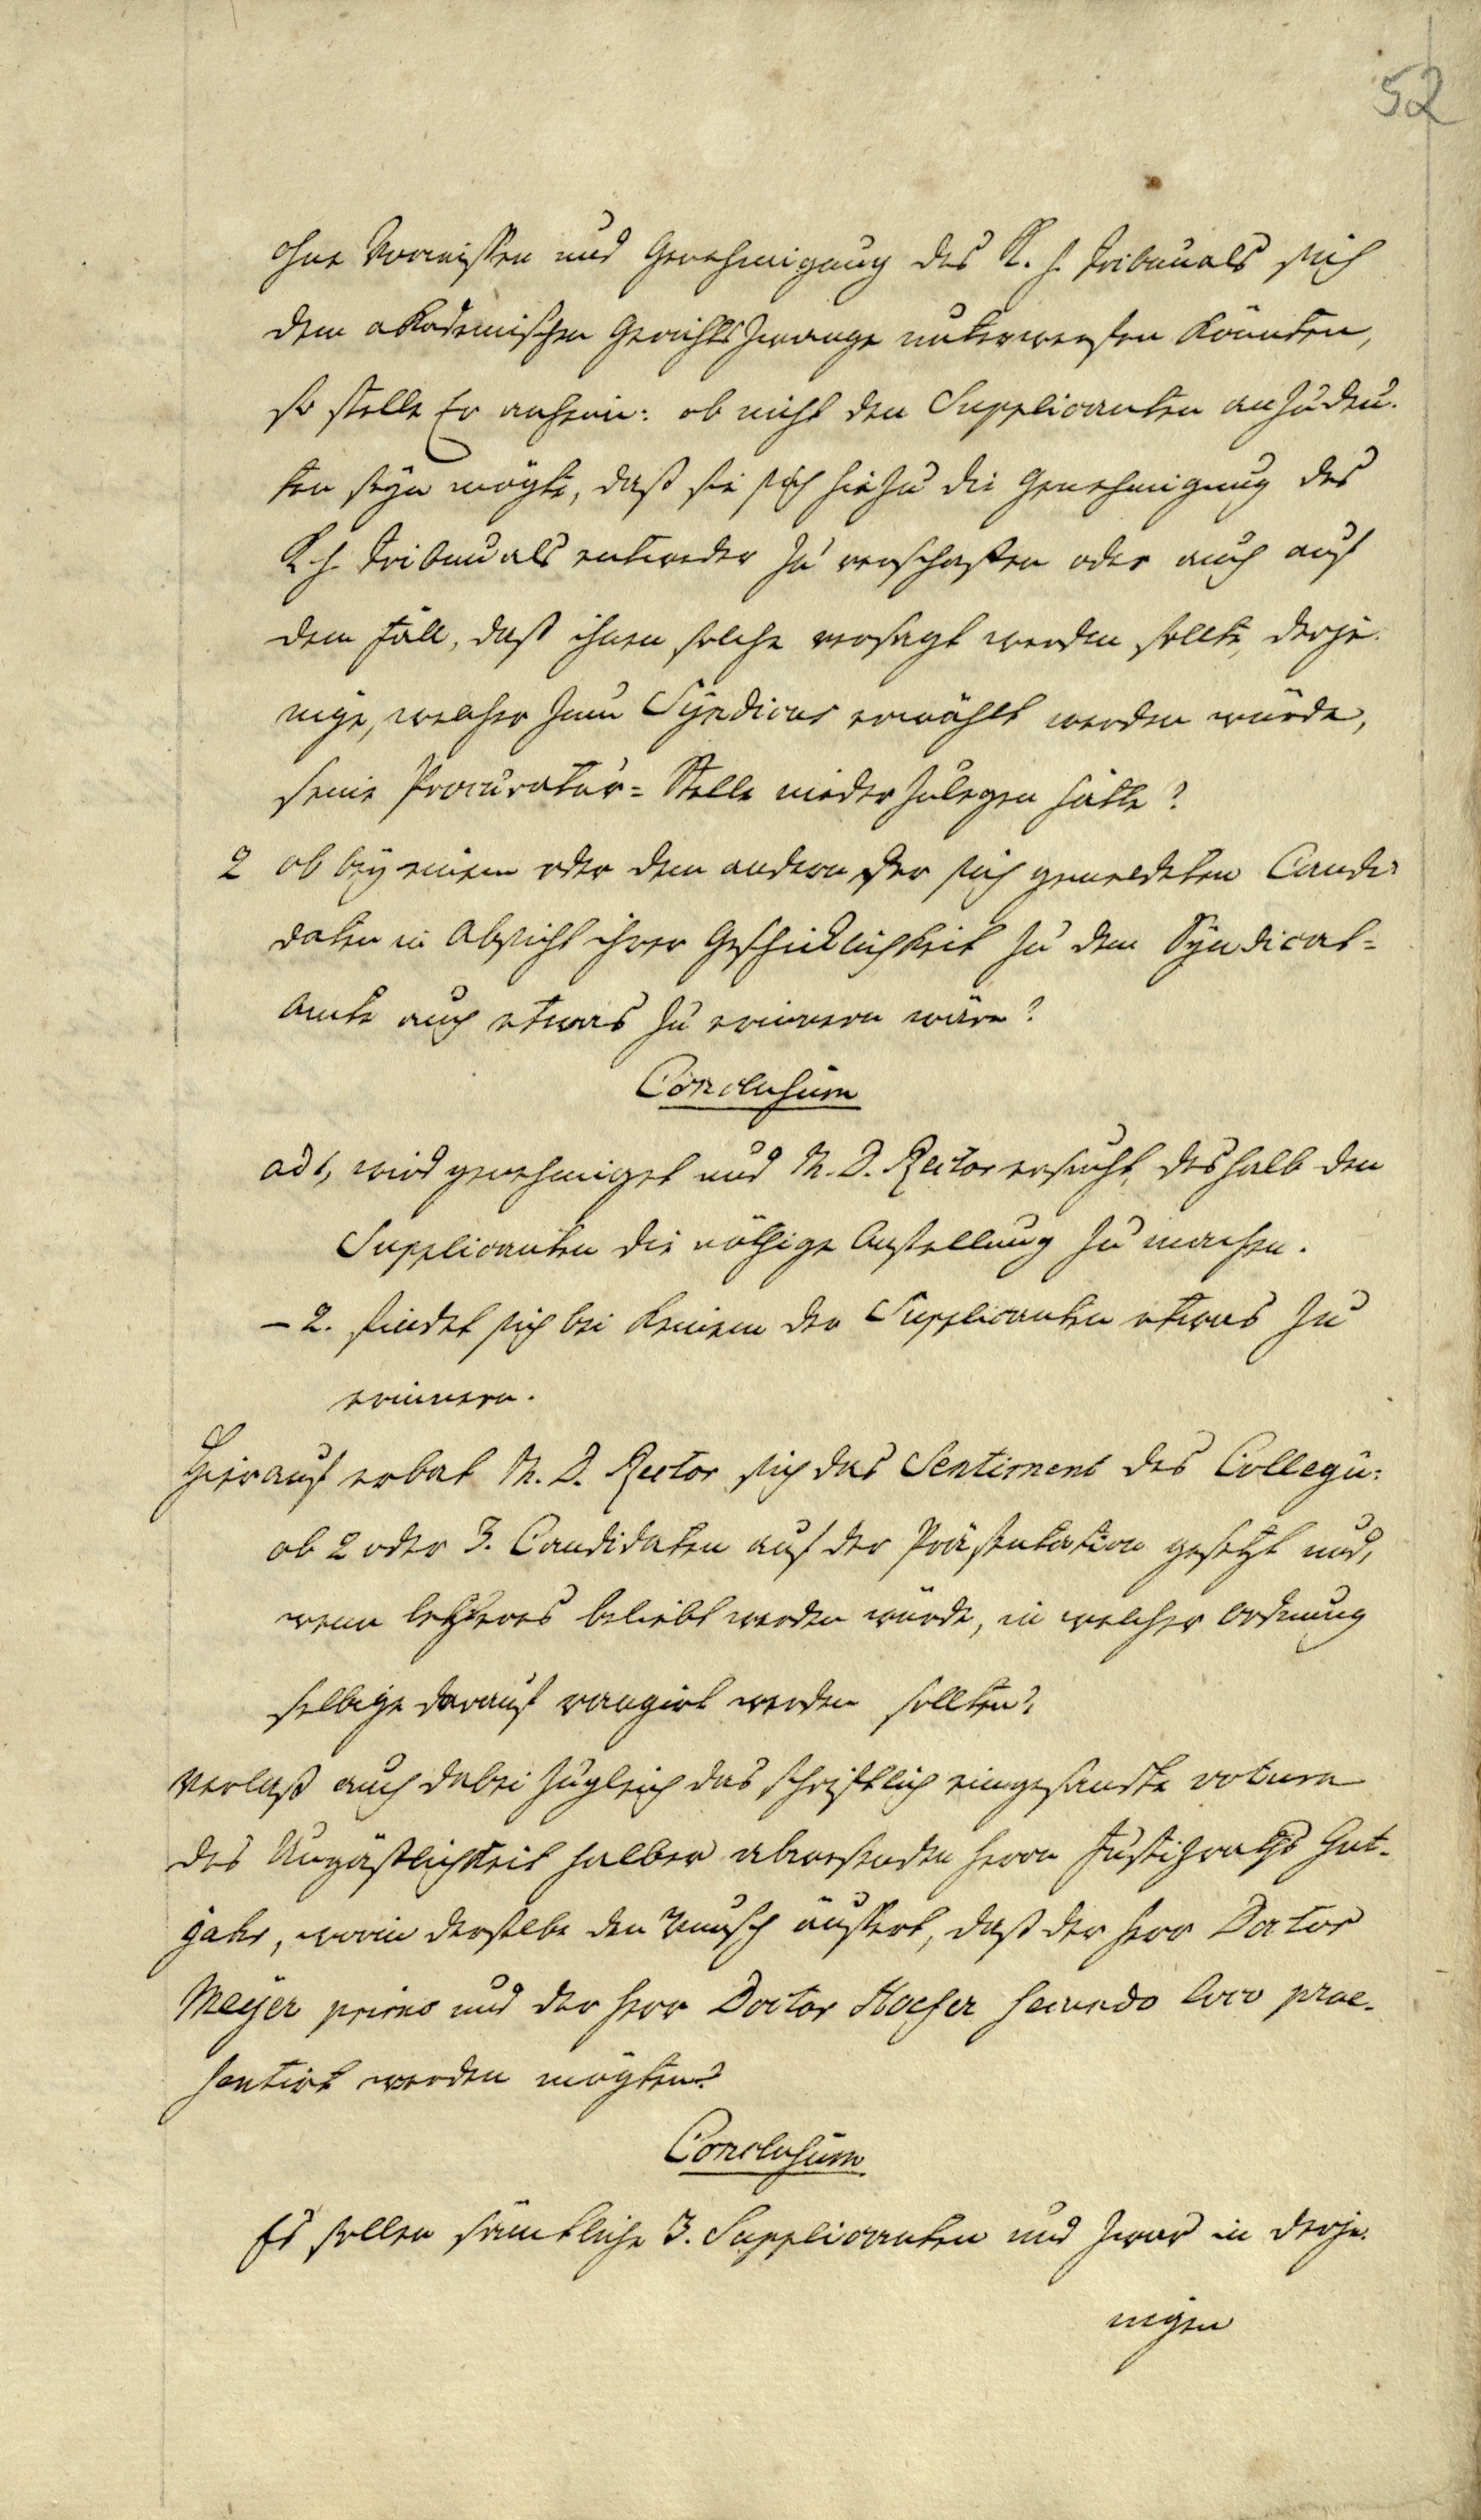ohne Vorwissen und Genehmigung des K. h. Tribunals sich
dem akademischen Gerichtszwange unterwerfen könnten,
so stelle Er anheim: ob nicht den Supplicanten anzudeu¬
ten seÿn mögte, daß sie sich hiezu die Genehmigung des
K. h. Tribunals entweder zu verschafen oder auch auf
dem Fall, daß ihnen solche versagt werden sollte, derje¬
nige, welcher zum Sÿndicus erwählt werden würde,
seine Procuratur- Stelle niederzulegen hätte?
2. ob beÿ einem oder dem andern der sich gemeldeten Candi¬
daten in Absicht ihrer Geschicklichkeit zu dem Sÿndicat-
Amte auch etwas zu erinnern wäre?
Conclusum
ad 1, wird genehmiget und M. D. Rector ersucht, deshalb den
Supplicanten die nöthige Anstellung zu machen.
2. findet sich bei keinem der Supplicanten etwas zu
erinnern.
Hierauf erbat M. D. Rector sich das Sentiment des Collegii:
ob 2 oder 3. Candidaten auf der Präsentation gesetzt und,
wenn letzteres beliebt werden würde, in welcher Ordnung
selbige darauf rangirt werden sollten?
verlaß auch dabei zugleich das schriftlich eingesandte votum
des Unpäßlichkeit halber abwesenden Herrn Justizraths Gut¬
jahr, worin derselbe den Wunsch äussert, daß der Herr Doctor
Meÿer primo und der Herr Doctor Hoefer secundo loco prae¬
sentirt werden mögten.
Conclusum
Es sollen sämtliche 3. Supplicanten und zwar in derje¬
nigen